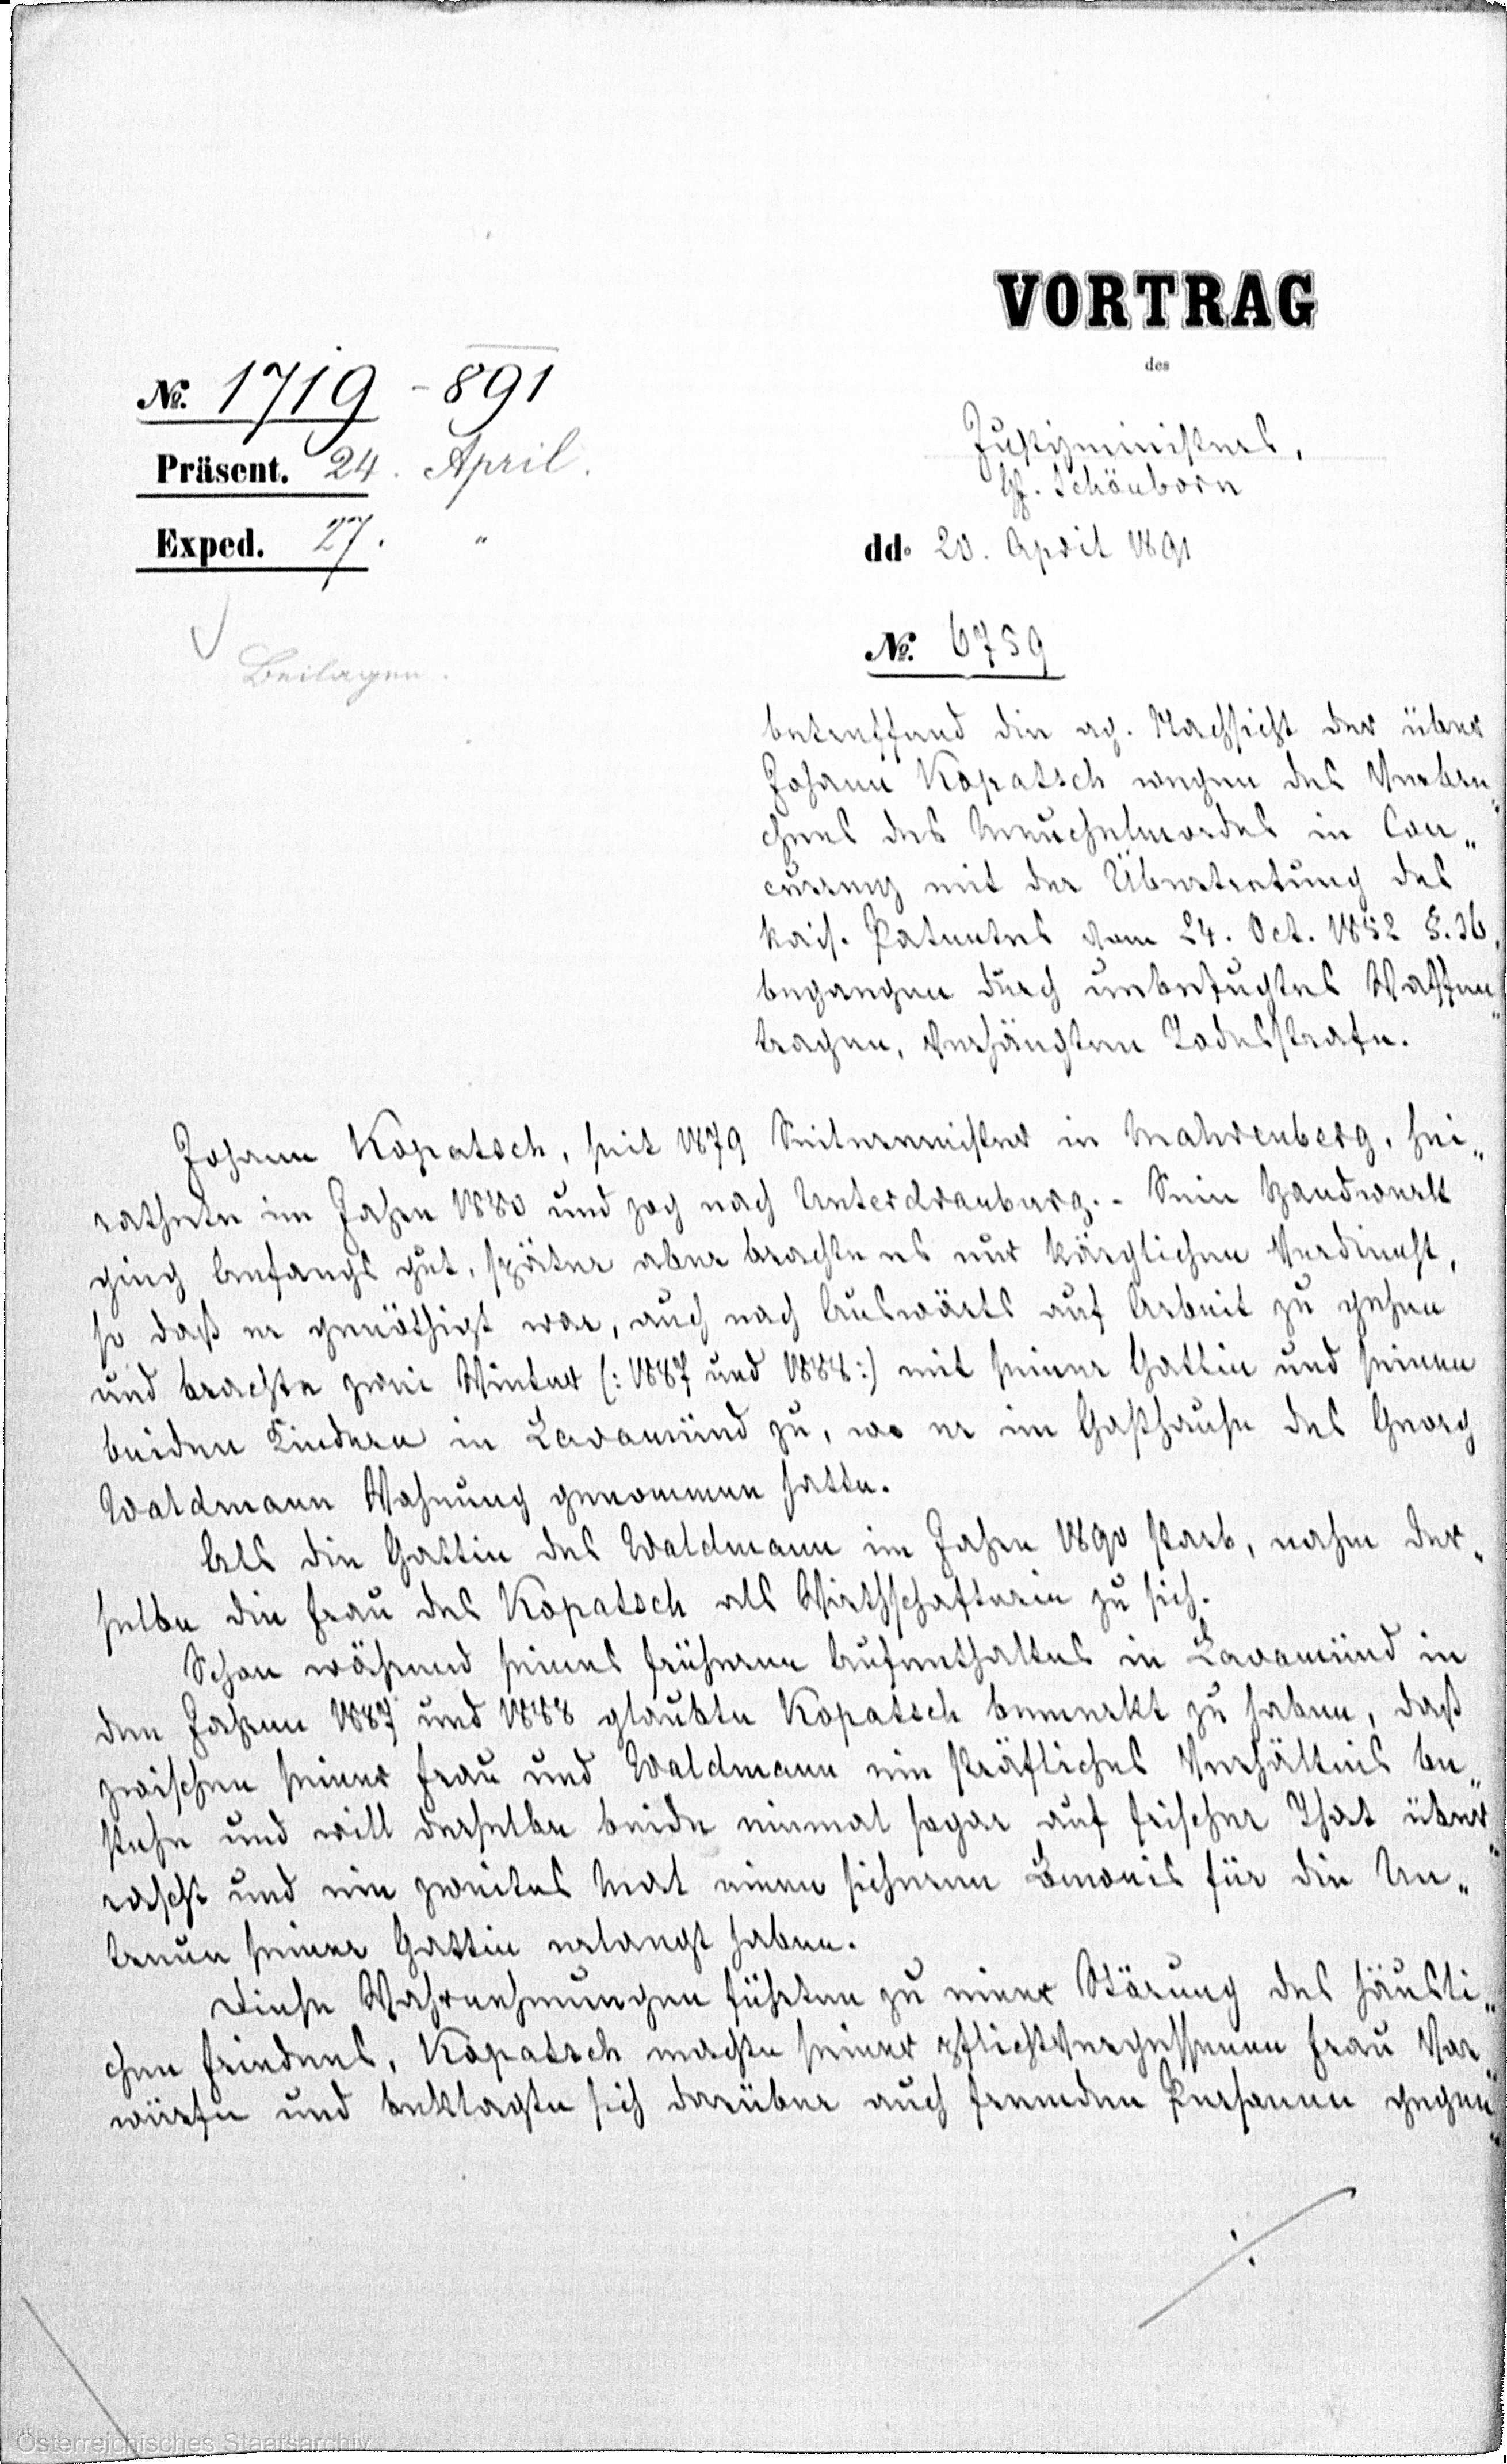VORTRAG
des
Justizministers
Gf Schönborn
Ddo 20. April 1891
No. 6759
betreffend die ag. Nachsicht über
Johann Kopatsch wegen des Verbre¬
chens des Meuchelmordes in Con¬
currenz mit der Übertretung des
kais. Patentes vom 24. Oct. 1852 §26,
begangene durch unbefugtes Waffen¬
tragen, Verhängten Todesstrafe.
Johann Kopatsch, seit 1879 Seilermeister in Mahrenberg, hei¬
rathete im Jahre 1880 und zog nach Unterdrauburg. Sein Handwerk
ging Anfangs gut, später aber brachte es nur kärgliche Verdienst,
so daß er genöthigt war, auch nach Auswärts auf Arbeit zu gehen
und brachte zwei Winter (1887 und 1888) mit seiner Gattin und seinem
beiden Kindern in Lavamünd zu, wo er in Gasthause des Georg
Waldmann Wohnung genommen hatte.
Als die Gattin des Waldmann im Jahre 1890 starb, nahm der¬
selbe die Frau des Kopatsch als Wirtschafterin zu sich.
Schon während seines früheren Aufenthaltes in Lavamünd in
den Jahren 1887 und 1888 glabute Kopatsch bemerkt zu haben, daß
zwischen seiner Frau und Waldmann ein sträfliches Verhältnis be¬
stehe und will derselbe beide einmal sogar auf frisches That über¬
rascht und ein zweites Mal einen sicheren Beweis für die Un¬
treue seiner Gattin erlangt haben.
Diese Wahrnehmungen führten zu einer Stärkung des häusli¬
chen Friedens, Kopatsch machte seiner pflichtvergessene Frau Vor¬
würfe und beklagte sich darüber auch fremden Personen gegen¬
No 1719– 1891
Präsent. – 24. April
Exped. – 27. „
Beilagen